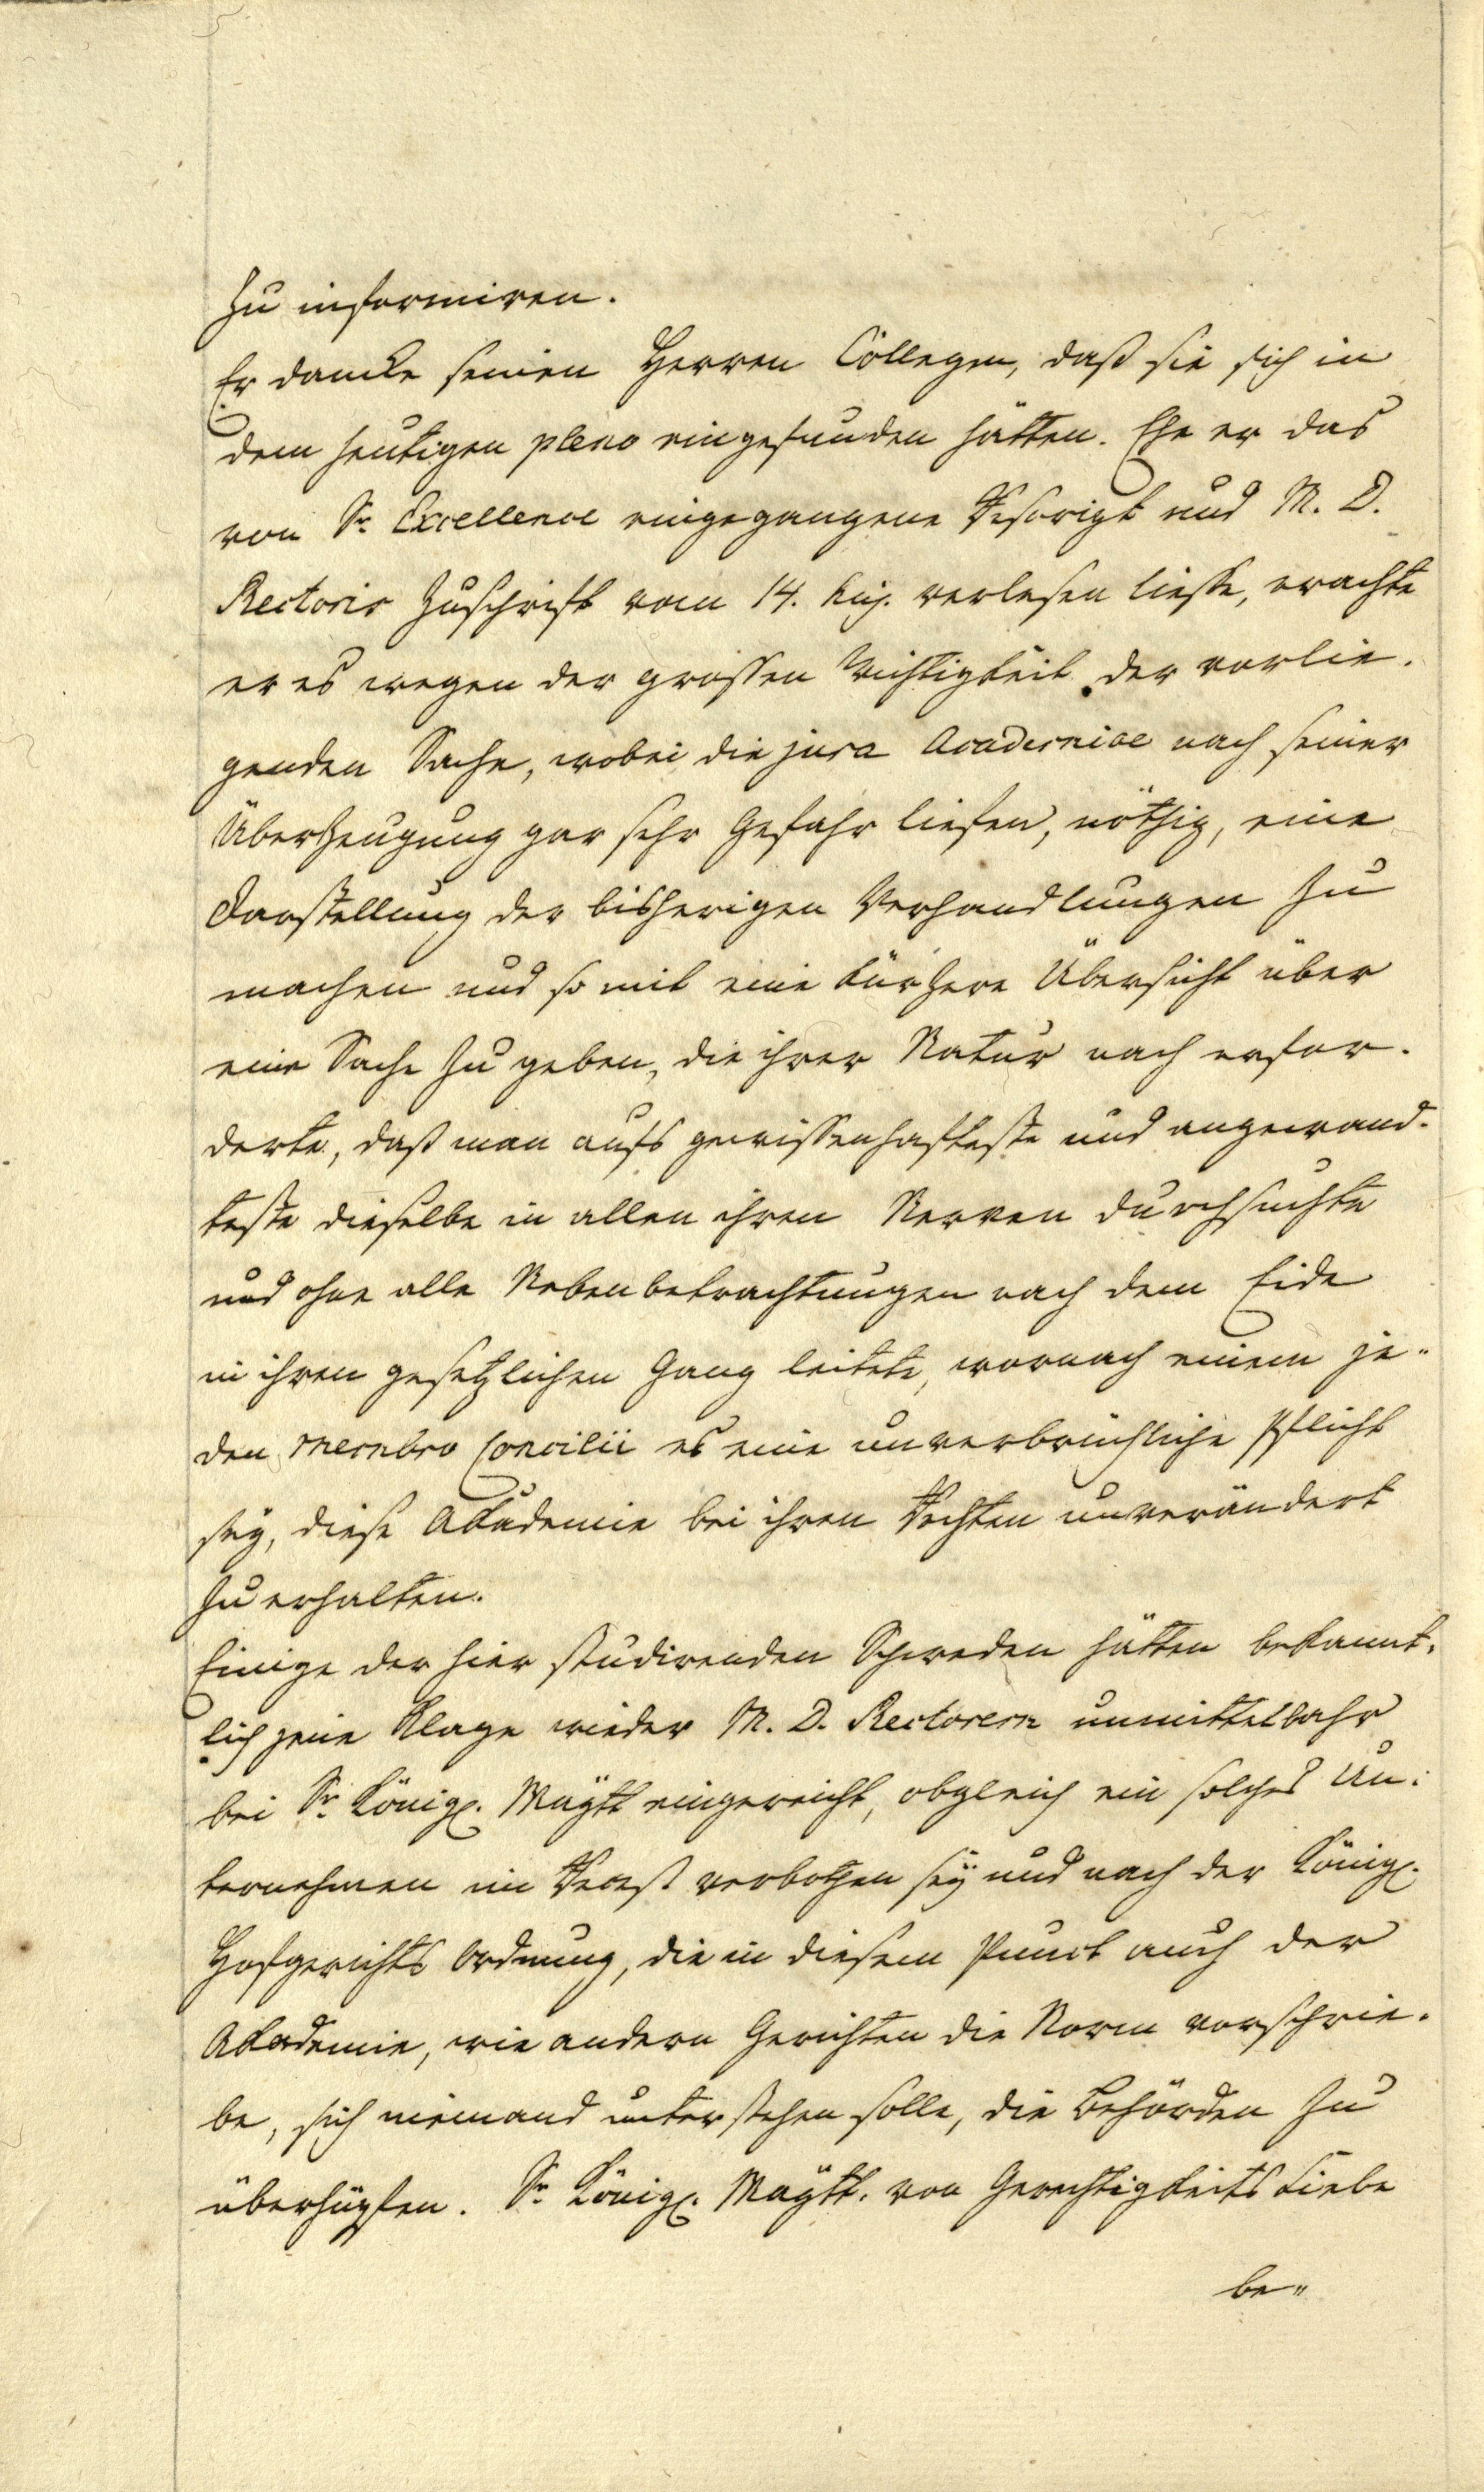zu informiren.
Er dancke seinen Herren Collegen, daß sie sich in
dem heutigen pleno eingefunden hätten. Ehe er das
von Sr. Excellence eingegangene Resript und M. D.
Rectoris Zuschrift vom 14. huj. verlesen liesse, erachte
er es wegen der grossen Wichtigkeit, der vorlie¬
genden Sache, wobei die jura Academiae nach seiner
Überzeugung gar sehr Gefahr liefen, nöthig, eine
Darstellung der bisherigen Verhandlungen zu
machen und so mit eine kürzere Übersicht über
eine Sache zu geben, die ihrer Natur nach erfor¬
derte, daß man aufs gewissenhafteste und angewand¬
teste dieselbe in allen ihren Nerven durchsuchte
und ohne alle Nebenbetrachtungen nach dem Eide
in ihren gesetzlichen Gang leitete, wornach einem je¬
den membro Concilii es eine umverbrüchliche Pflicht
seÿ, diese Akademie bei ihren Rechten unverändert
zu erhalten.
Einige der hier studirenden Schweden hätten bekannt¬
lich jene Klage wieder M. D. Rectorem ummittelbahr
bei Sr Königl. Maÿtt eingereicht, obgleich ein solches Un¬
ternehmen im Receß verbothen seÿ und nach der Königl.
Hofgerichts Ordnung, die in diesem Punct auch der
Akademie, wie andern Gerichten die Norm vorschrie¬
be, sich niemand unter stehen solle, die Behörden zu
überhüpfen. Sr Königl. Maÿtt. von Gerechtigkeits Liebe
be